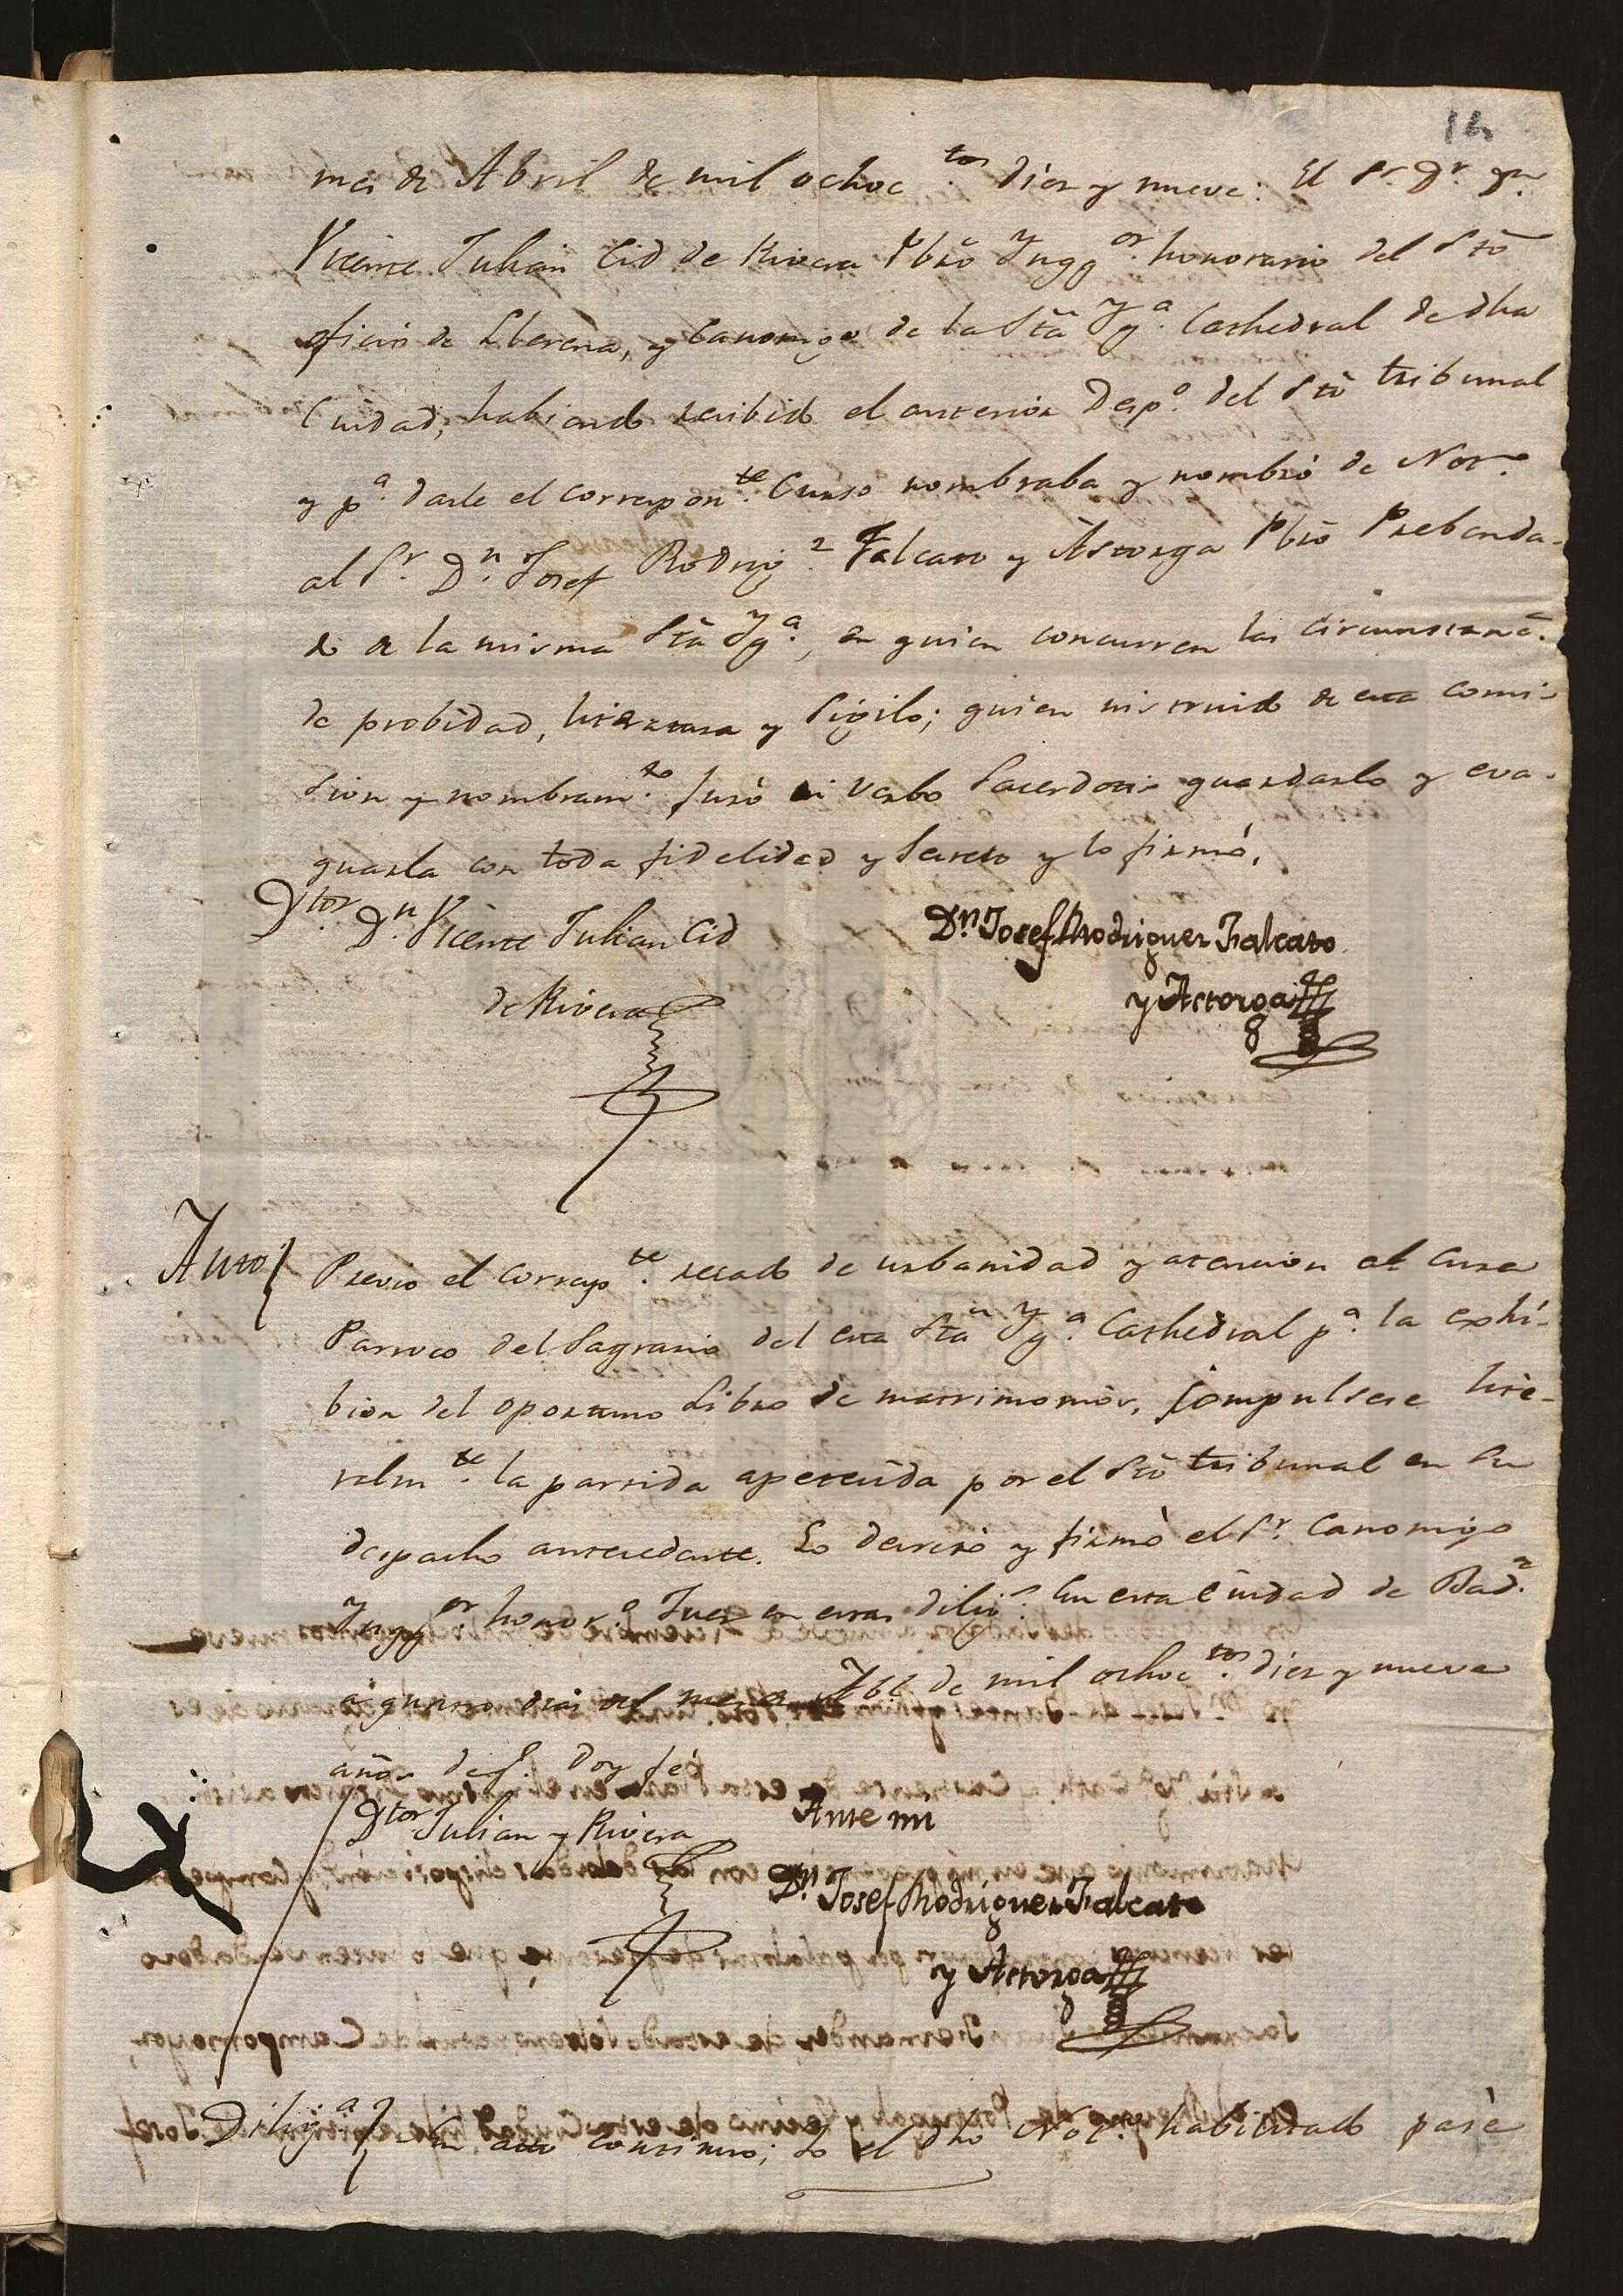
mes de Abril de mil ochoc.tos diez y nueve: El Sr. D.r D.n
Vicente Iulian Cid de Rivera Pbrō Ynqq.or honorario del Sto
oficio de Llerena, y canonico de la Stā Yg.a Cathedral de dha
Ciudad, habiendo recibido el anterior Desp.o del stō tribunal
y p.a darle el correspon.te Curso nombraba y nombró de Not.o
al S.r D.n Iosef Rodrig.z Falcato y Astorga Pbrō Prebenda
do de la misma Stā Yg.a, en quien concurren las cincunstanc.s
de probidad, literatura y sigilo; quien instruido de esta comi
sion y nombram.to juró in verbo Sacerdotis guardarlo y eva
guarla con toda fidelidad y secreto y lo firmó.
D.n Iosef Rodrigues Falcato
D.tor D.n Vicente Iulian Cid
y Astorga
de Rivera
Auto
Previo el corresp.te recado de urbanidad y atencion al cura
Parroco del Sagrario del esta stā Yg.a Cathedral p.a la exhi
bion del oportuno Libro de matrimonios, Compulsese lite
ralm.te la partida apetecida por el stō tribunal en su
despacho antecedente. Lo decretó y firmò el S.r canonigo
Ynqq.or honor.o Iuez en estas dilig.s En esta ciudad de Bad.z
a quatro dias del mes de Abl. de mil ochoc.tos diez y nueve
años de q.e doy fé
Ante mi
D.tor Iulian y Rivera
D.n Iosef Rodrigues Falcato
y Astorga
Dilig.a hecha acto continuo; Yo el dho Not.ro habilitado pasé
